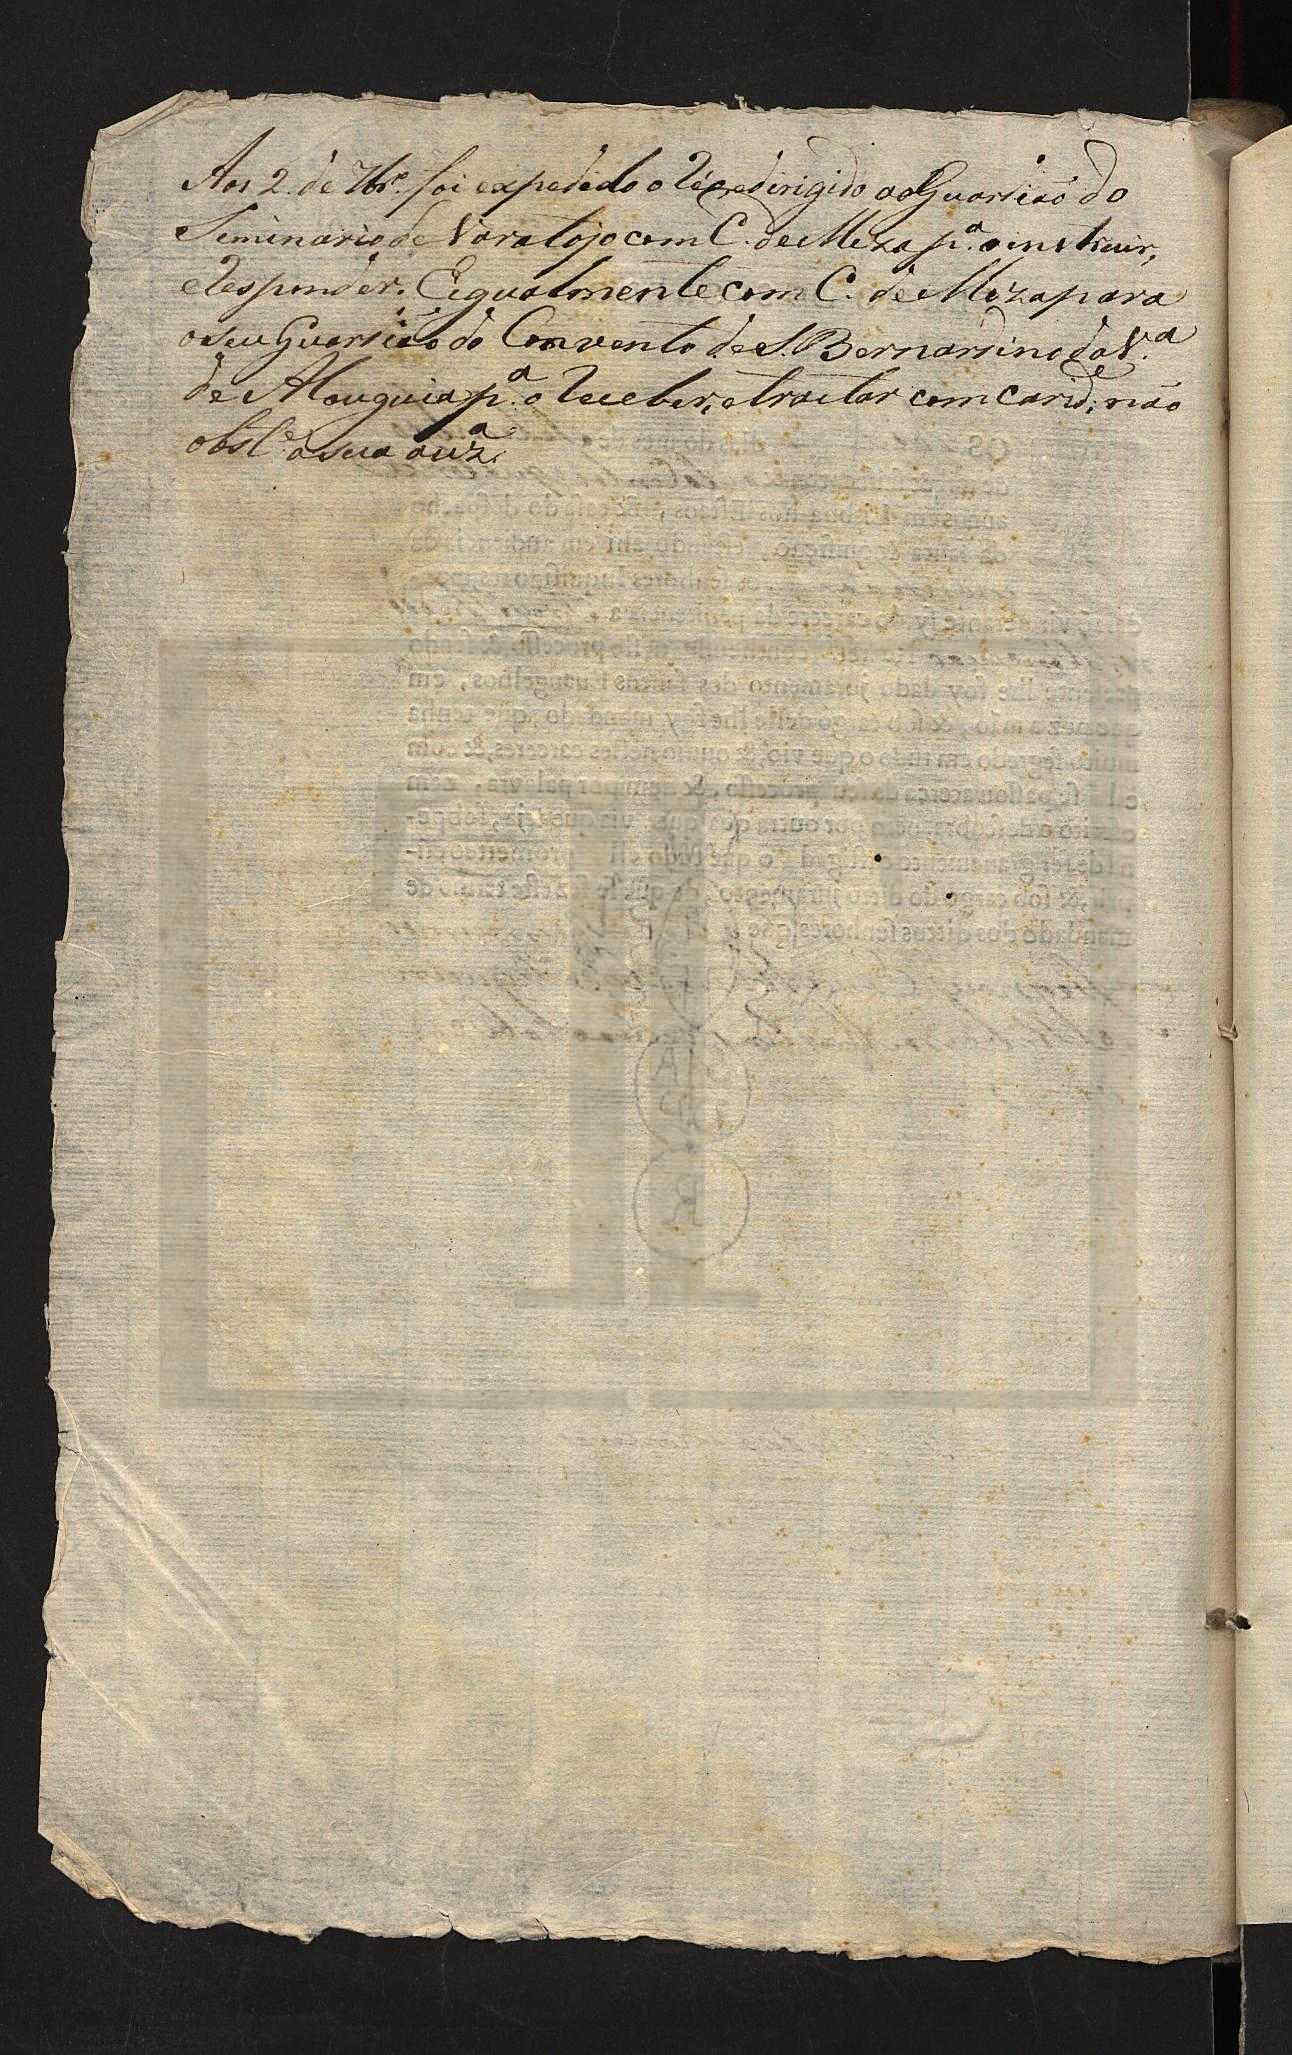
Aos 2 de 7br.o foi expedido o Réo, e dirigido ao Guardiaõ do
Seminario de Varatojo com C. de Meza p.a o instruir,
e Responder. E igualmente com C. de Meza para
o seu Guardião do Convento de S. Bernardino da V.a
de Atouguia p.a o Receber, e tractar com caride; naõ
obst.e a sua auz.a
